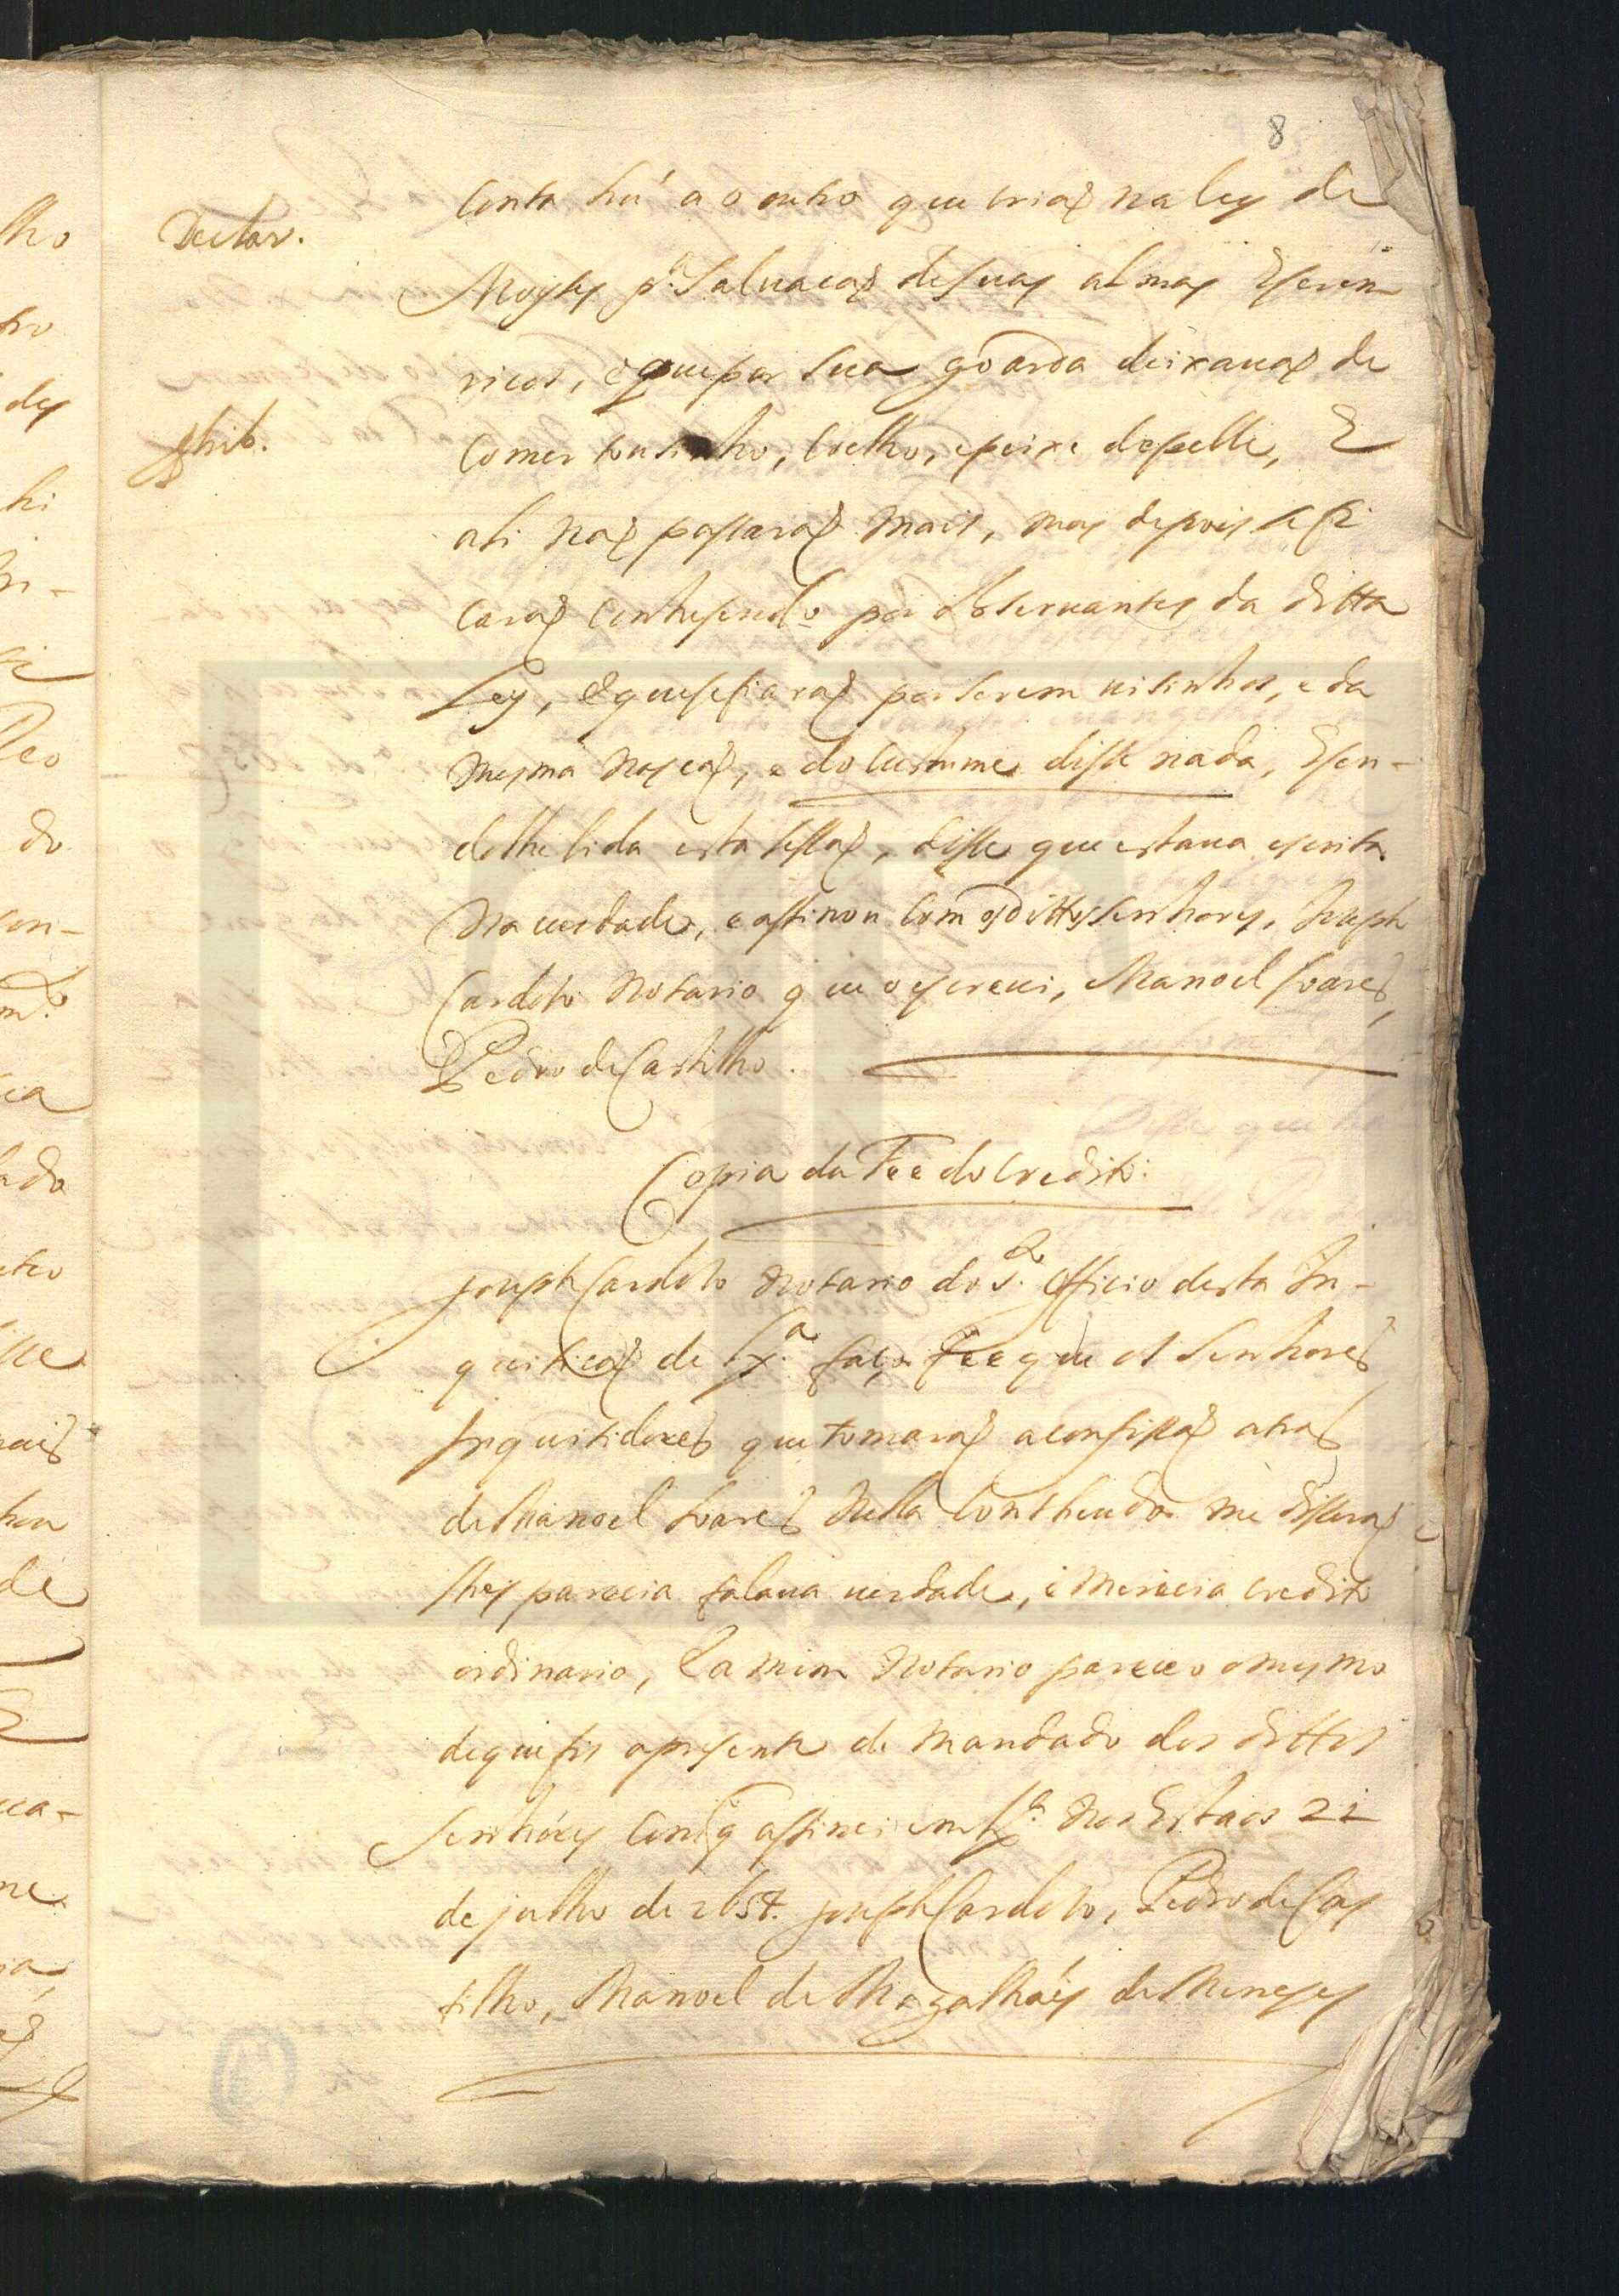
Declar. conta hū ao outro que criaõ na ley de
Moyses p.a saluacaõ de suas almas E serem
ricos, e que por sua goarda deixauaõ de
ꝓhib. comer tousinho, Coelho, e peixe de pelle, E
ali naõ passaraõ mais, mas depois se fi
caraõ conhesendo por obseruantes da ditta
Ley, ē que se fiaraõ por serem uisinhos, e da
mesma nasçaõ, e do custume disse nada, E sen
dolhe lida esta sessaõ, disse que estaua escrita
na uerdade, e assinou com os dittos senhores, Jozeph
Cardoso notario que o escreui, Manoel Soares
Pedro de Castilho.
Copia da Fee do credito.
Jozeph Cardoso notario do s.to officio desta In
quisiçaõ de Lx.a faça fee que os Senhores
Jnquisidores que tomaraõ a confissaõ atras
de Manoel Soares nella contheudo me disseraõ
lhes parecia falaua uerdade, e merecia credito
ordinario, e a mim notario pareceo o mesmo
de que fis a presente de mandado dos dittos
Senhores com q̄ assinei em Lxa. nos Estaos 21
de julho de 1654. Jozeph Cardozo, Pedro de Cas
tilho, Manoel de Magalhaẽs de Meneses
